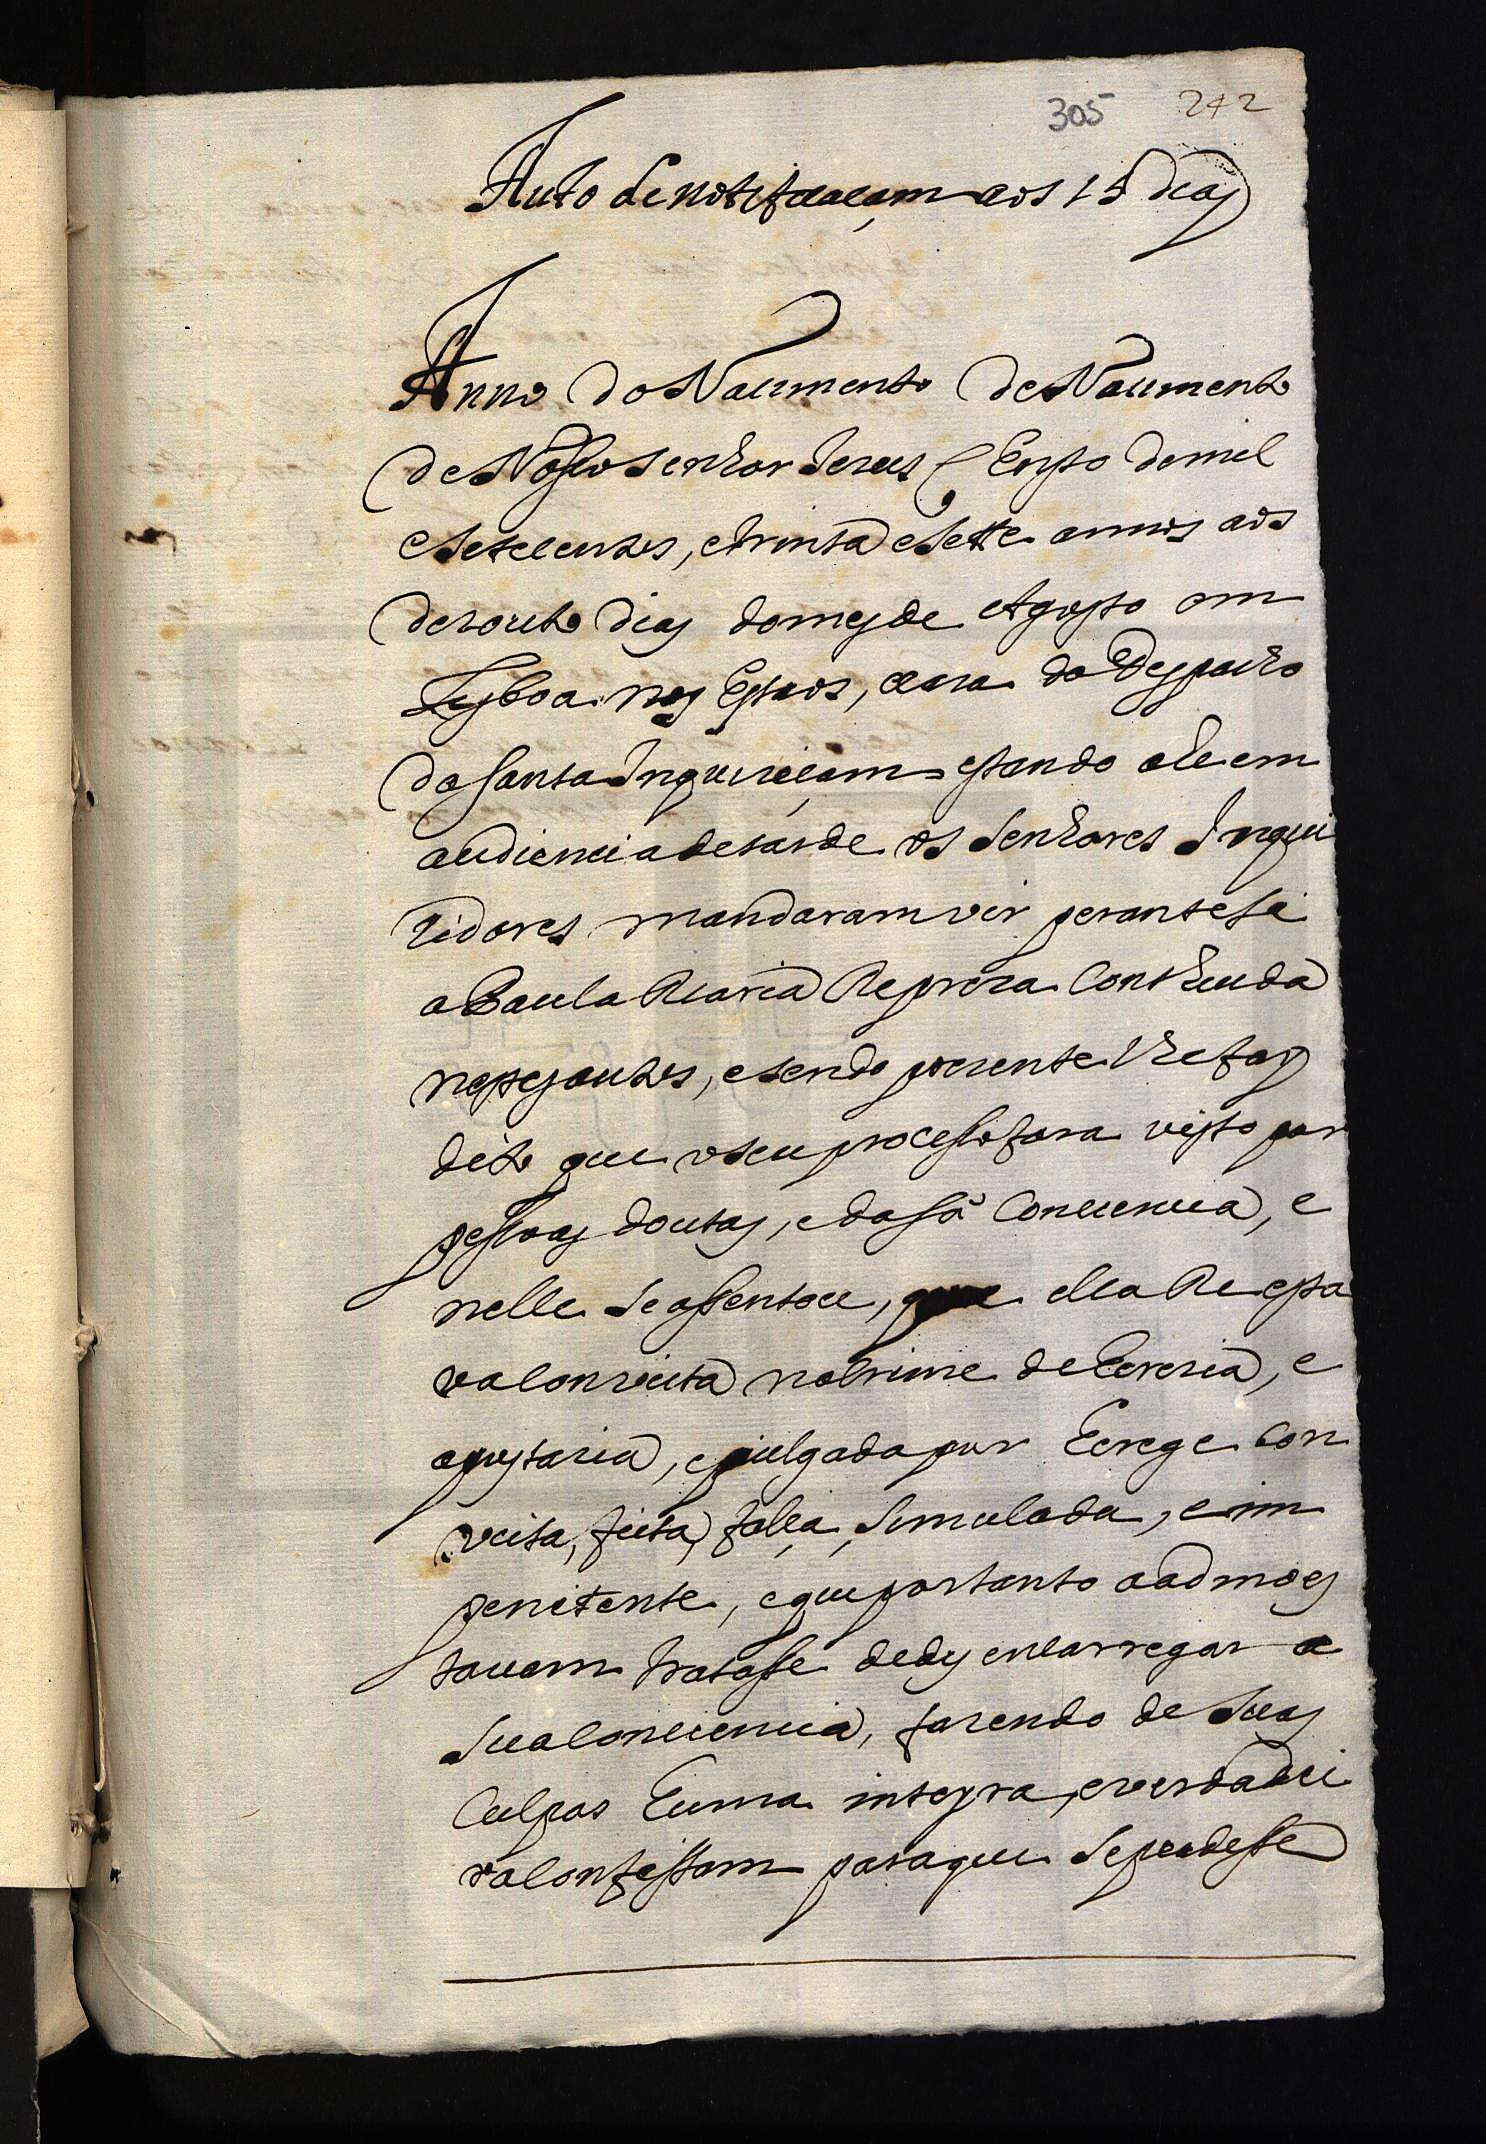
242
Auto de notifiaçam aos 15 dias
Anno do Nacimento de Nacimento
de Nosso senhor Iezus Christo de mil
e setecentos, e trinta e sette annos aos
dezouto dias do mes de Agosto em
Lisboa nos Estaos, e caza do Despacho
da santa Inquiziçam estando ahi em
audiencia de tarde os senhores Inqui
zidores mandaram vir perante si
a Paula Maria Re preza contheuda
nestes autos, e sendo prezente lhe foy
dito que o seu processo fora visto por
pessoas doutas, e da sã conciencia, e
nelle se assentou, que ella Re esta
va convicta no crime de herezia, e
apostazia, e julgada por herege con
victa, feita, falça, simulada, e im
penitente, e que portanto a admoes
tauam tratasse de disencarregar a
sua conciencia, fazendo de suas
Culpas huma inteyra, e verdadei
ra confessam para que se pudese
